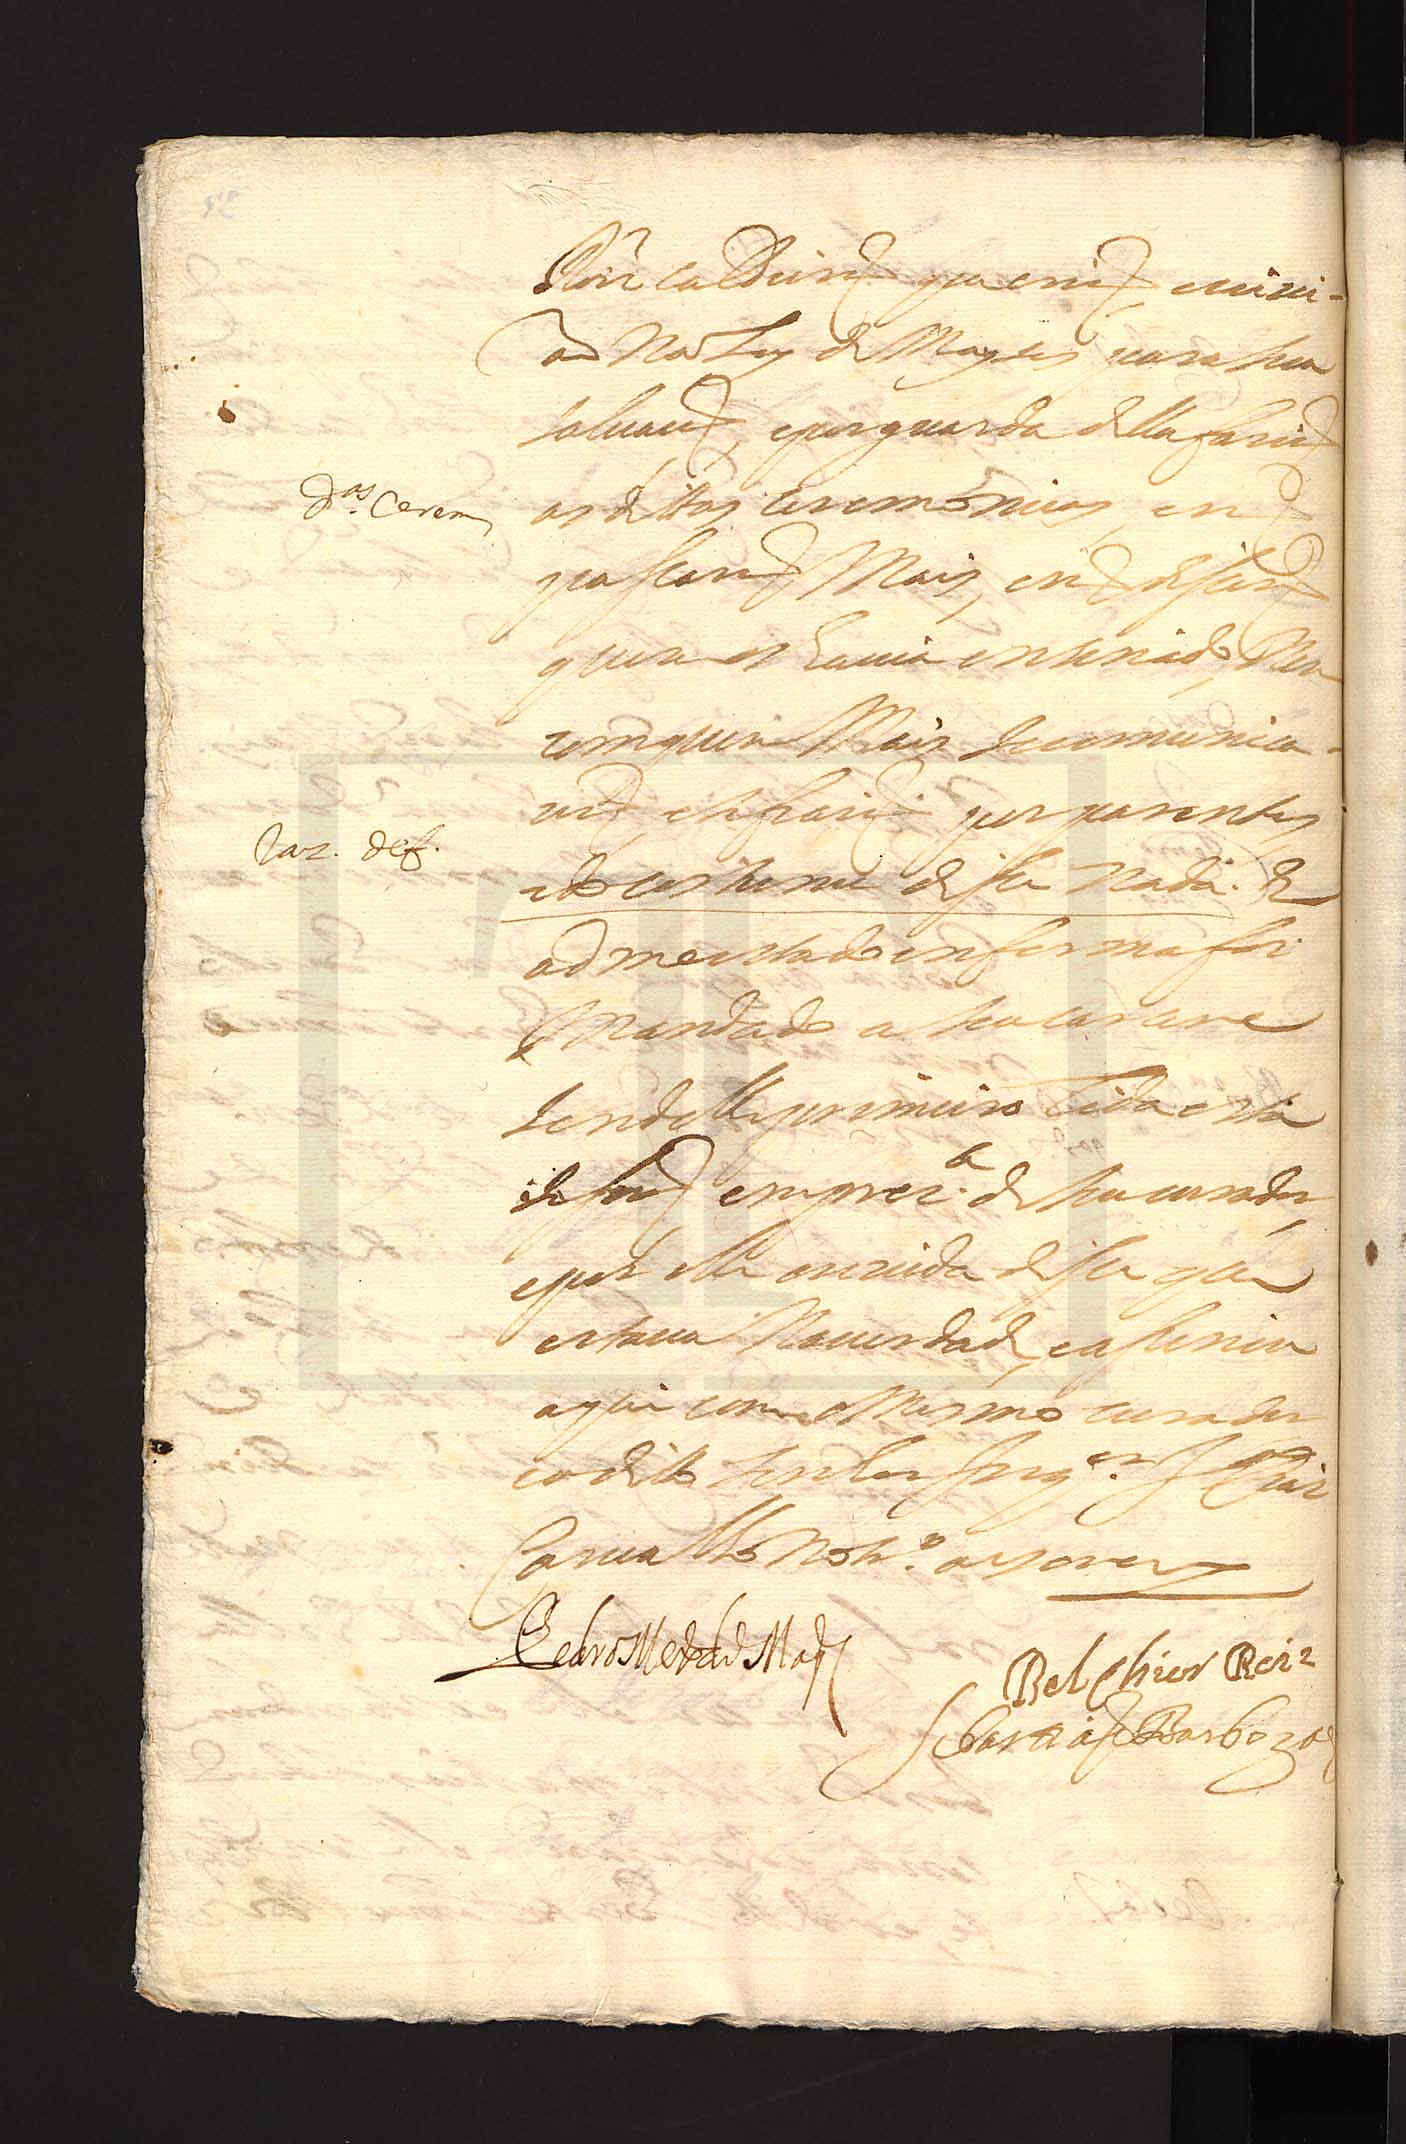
Roiz̄ caldeiraõ que criaõ e uiui
aõ na Ley de Moyses para sua
saluação, e por guarda della faziaõ
d.as cerem
as dittas ceremonias e naõ
passaraõ Mais, e naõ disseraõ
quem os hauia ensinado Nem
com quem Mais se comunica
uaõ e se faziaõ por parentes
Raz. def.
e do costume disse nada. E
admoestado en forma foi
Mandado a seu carcere
sendolhe primeiro lida esta
diseraõ em prez.a de seu curador
e por elle ouuida disse que
estaua Na uerdade, e assinou
aqui com o Mesmo curador
e o dito senhor Jnq.or J Diaz
Carualho notr.o o escreuj
Pedro Mexe de Mage
BelChior Roiz
Sebastiaõ Barboza
